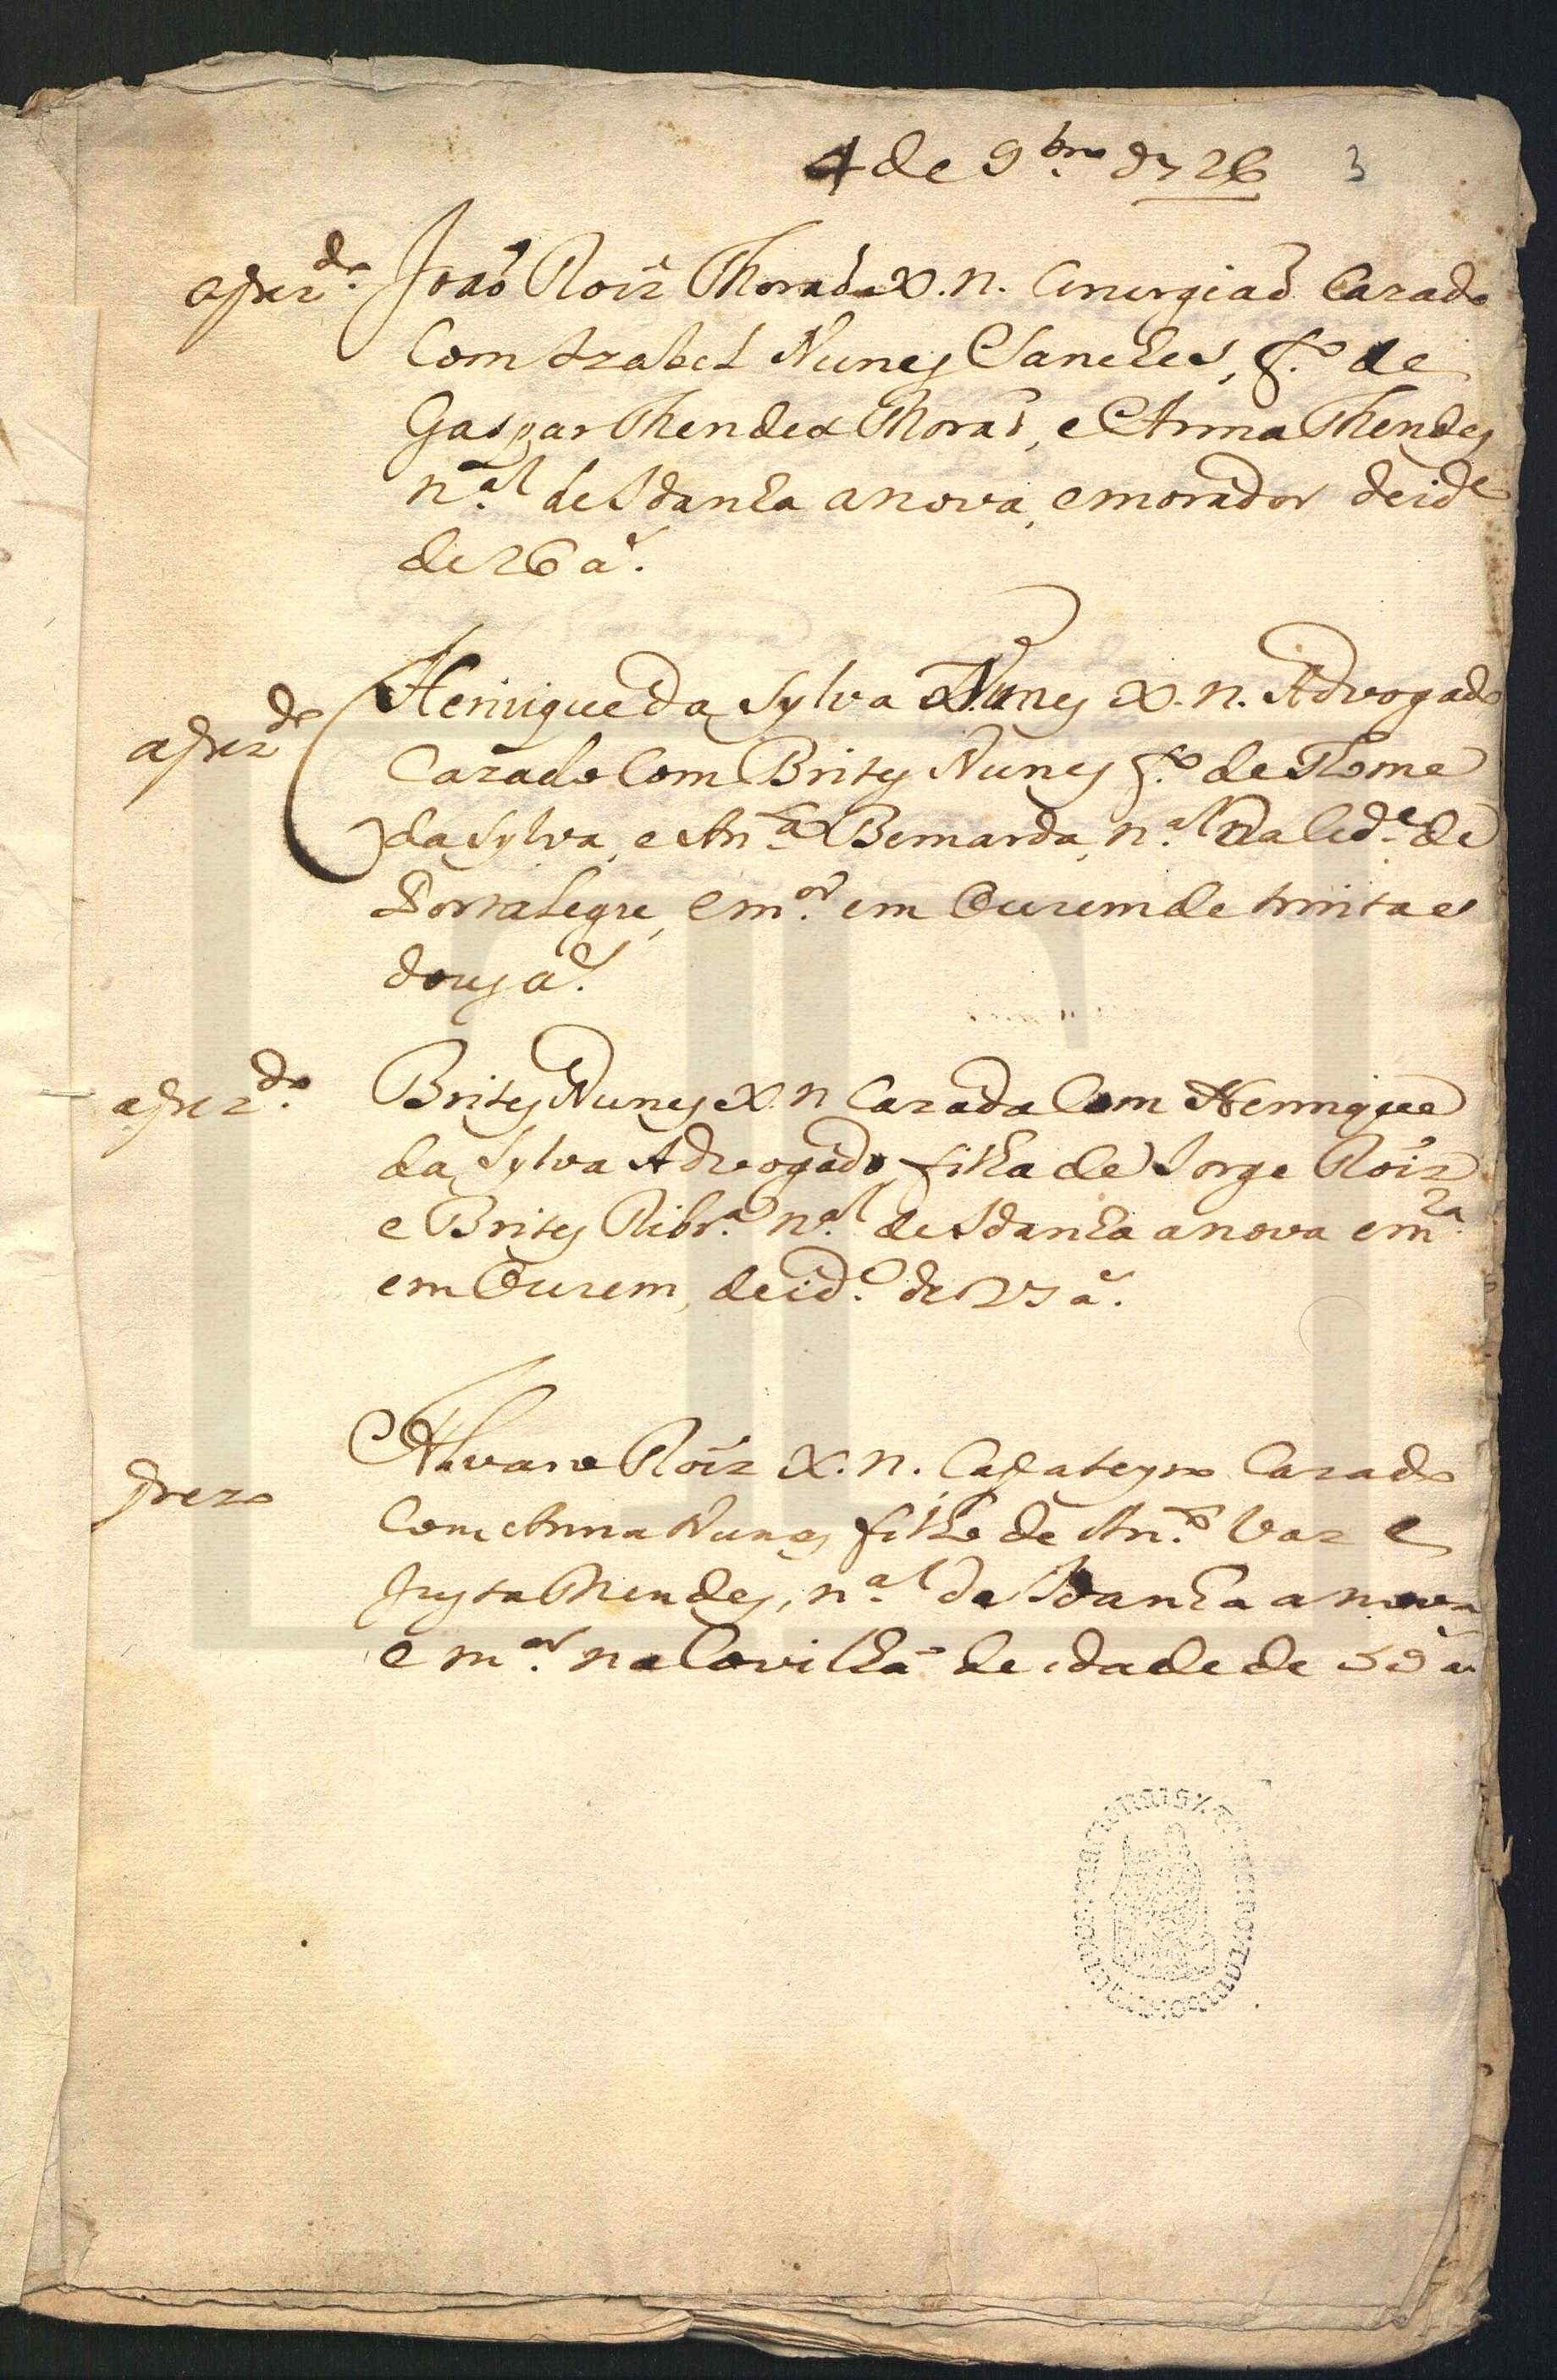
4 de 9.bro d̄ 726
aprez.do Joaõ Roiz̄ Moraõ x. n. cirurgiaõ cazado
com Izabel Nunes Sanches, f.o de
Gaspar Mendes Moraõ, e Anna Mendes
n.al de Idanha a nova, e morador de ide
de 26 a.s
Henrique da Sylva Nunes x. n. Advogado
aprezdo
Cazado Com Brites Nunes f.o de Thome
da Sylva, e An.ta Bernarda, n.al na Cid.e de
Portalegre, e m.or em Ourem de trinta e
dous a.s
Brites Nunes x. n. cazada com Henrique
aprez.do
da Sylva Advogado filha de Iorge Roīz
e Brites Ribr.a n.al de Idanha a nova e mra
em Ourem, de id.e de 27 a.s
Alvaro Roiz̄ x. n. Çapateyro cazado
prezo
com Anna Nunes filho de An.to Vaz e
Justa Mendes, n.al da Idanha a nova
e m.or na Covilhã de idade de 59 ā
